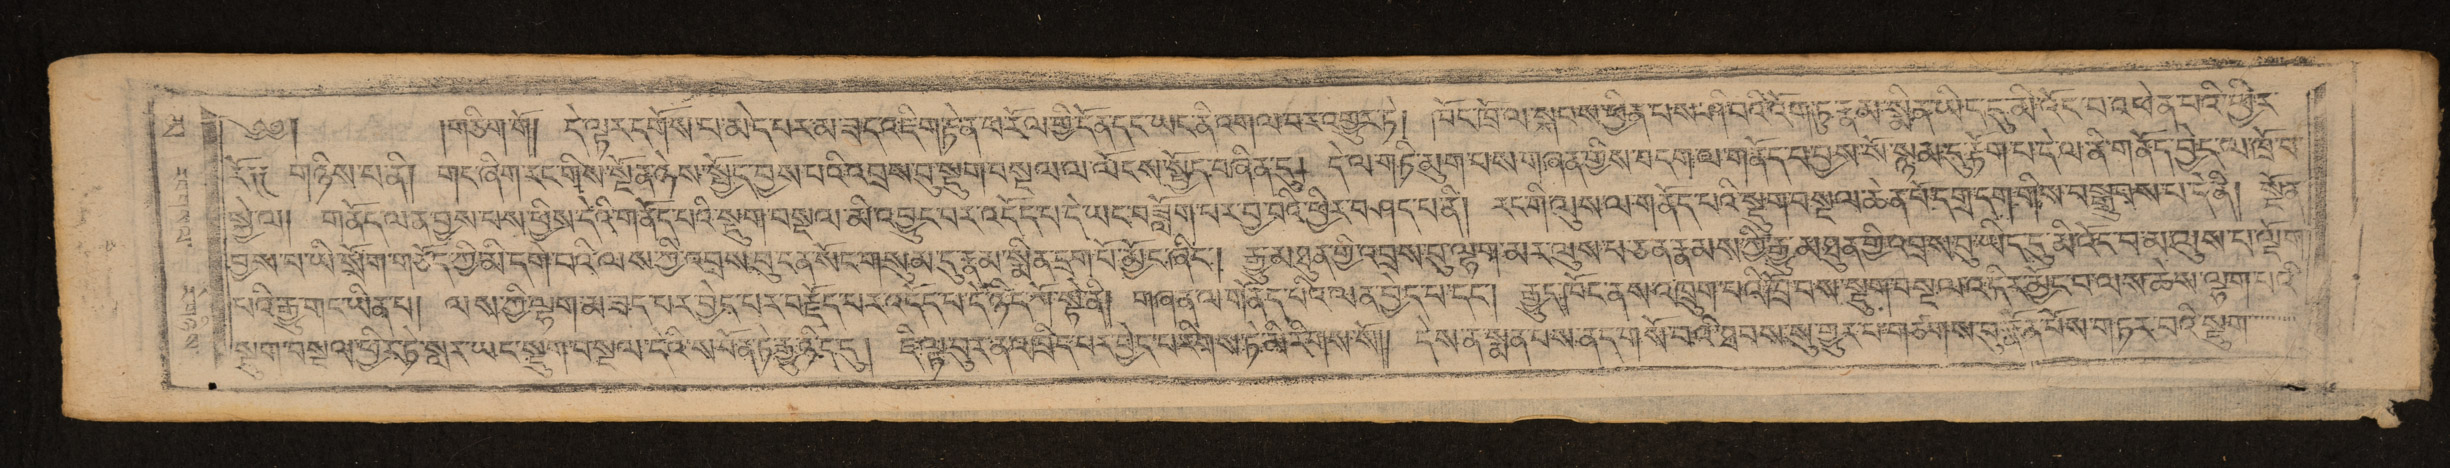༄༅། །གཅིག་གོ། དེ་ལྟར་དགོས་པ་མེད་པར་མ་ཟད་འཇིག་རྟེན་ཕ་རོལ་གྱི་དོན་དང་ཡང་ནི་འགལ་བར་འགྱུར་ཏེ། ཁོང་ཁྲོ་ལ་སྐབས་ཕྱིན་པས་ཤི་བའི་འོག་ཏུ་རྣམ་སྨིན་ཡིད་དུ་མི་འོང་བ་འཕེན་པའི་ཕྱིར་
རོ༑༑ གཉིས་པ་ནི། གང་ཞིག་རང་གིས་སྔོན་ཉེས་སྤྱོད་བྱས་པའི་འབྲས་བུ་སྡུག་བསྔལ་ལ་ལོངས་སྤྱོད་བཞིན་དུ། དེ་ལ་གཏི་མུག་པས་གཞན་གྱིས་བདག་ལ་གནོད་པ་བྱས་སོ་སྙམ་དུ་རྟོག་པ་དེ་ལ་ནི་གནོད་བྱེད་ལ་ཁྲོ་བ་
སྐྱེ་ལ། གནོད་ལན་བྱས་པས་ཕྱིས་དེའི་གནོད་པའི་སྡུག་བསྔལ་མི་འབྱུང་བར་འདོད་པ་དེ་ཡང་བཟློག་པར་བྱ་བའི་ཕྱིར་བཤད་པ་ནི། རང་གི་ལུས་ལ་གནོད་པའི་སྡུག་བསྔལ་ཆེན་པོ་དགྲ་དག་གིས་བསྒྲུབས་པ་དེ་ནི། སྔོན་
བྱས་པ་ཡི་སྲོག་གཅོད་ཀྱི་མི་དགེ་བའི་ལས་ཀྱི་འབྲས་བུ་ངན་སོང་གསུམ་དུ་རྣམ་སྨིན་དྲག་པོ་མྱོང་ཞིང་། རྒྱུ་མཐུན་གྱི་འབྲས་བུ་ལྷག་མར་ལུས་པ་ཅན་རྣམས་ཀྱི་རྒྱུ་མཐུན་གྱི་འབྲས་བུ་ཡིད་དུ་མི་འོང་བ་མ་ལུས་པ་ལྡོག་
པའི་རྒྱུ་གང་ཡིན་པ། ལས་ཀྱི་ལྷག་མ་ཟད་པར་བྱེད་པར་བརྗོད་པར་འདོད་པ་དེ་ཉིད་ཀོ་སྟེ་ནི། གཞན་ལ་གནོད་པའི་ལན་བྱེད་པ་དང་། རྒྱུད་ཁོང་ནས་འཁྲུག་པའི་ཁྲོ་བས་སྡུག་བསྔལ་འདིར་མྱོང་བ་ལས་ཆེས་ལྷག་པའི་
སྡུག་བསྔལ་ཕྱིར་ཏེ་སླར་ཡང་སྡུག་བསྔལ་དེའི་ས་བོན་ཏེ་རྒྱུ་ཉིད་དུ། ཇི་ལྟ་བུར་ན་འཁྲིད་པར་བྱེད་པ་རིགས་ཏེ་མི་རིགས་སོ།། དེས་ན་སྨན་པས་ནད་གསོ་བའི་ཐབས་སུ་གྱུར་པ་གཙགས་བུ་རྣོན་པོས་གཏར་བའི་སྡུག་